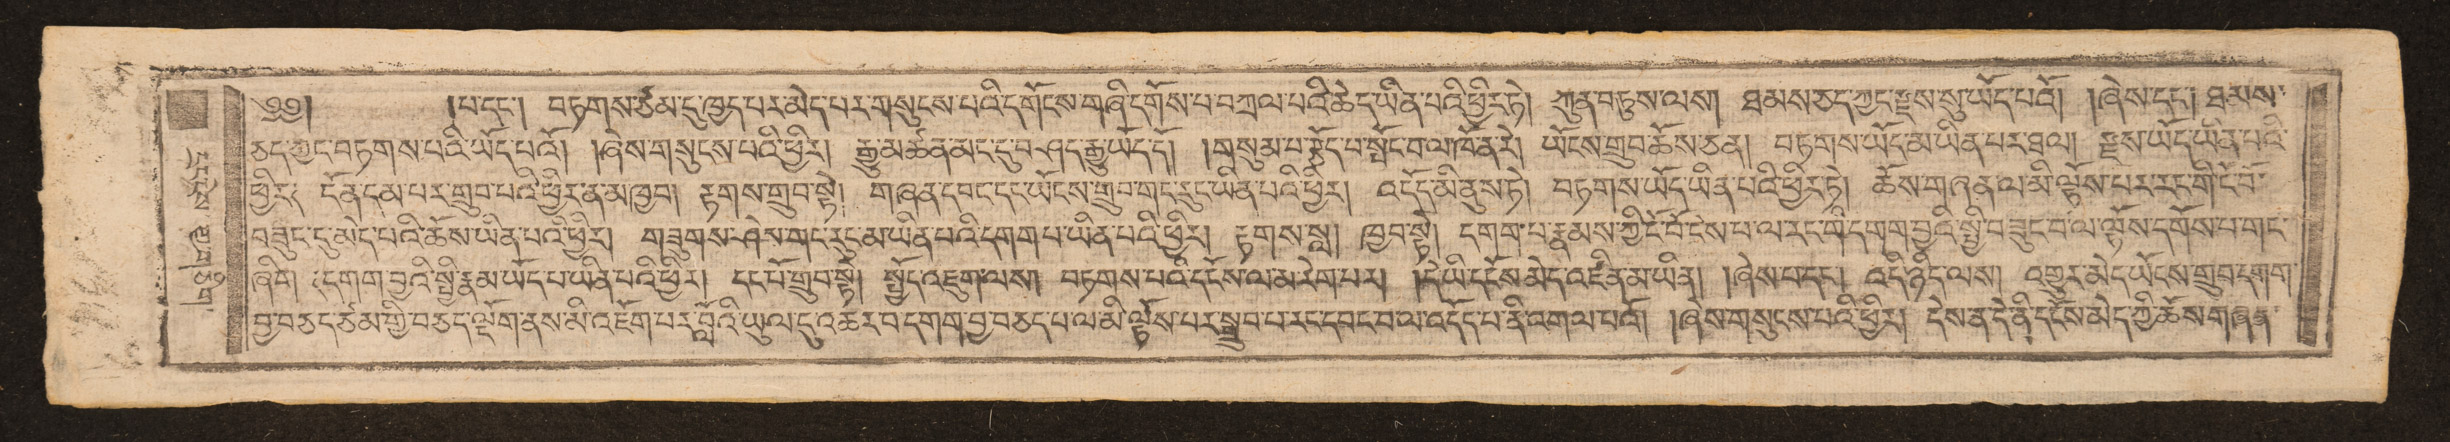༄༅། །པ་དང་། བཏགས་ཙམ་དུ་ཁྱད་པར་མེད་པར་གསུངས་པའི་དགོངས་གཞི་དགོས་པ་བཀྲལ་པའི་ཆེད་ཡིན་པའི་ཕྱིར་ཏེ། ཀུན་བཏུས་ལས། ཐམས་ཅད་ཀྱང་རྫས་སུ་ཡོད་པའོ། །ཞེས་དང་། ཐམས་
ཅད་ཀྱང་བཏགས་པའི་ཡོད་པའོ། །ཞེས་གསུངས་པའི་ཕྱིར། རྒྱུ་མཚན་མང་དུ་བཤད་རྒྱུ་ཡོད་དོ། །གསུམ་པ་རྩོད་པ་སྤོང་པ་ལ་ཁོ་ན་རེ། ཡོངས་གྲུབ་ཆོས་ཅན། བཏགས་ཡོད་མ་ཡིན་པར་ཐལ། རྫས་ཡོད་ཡིན་པའི་
ཕྱིར༑ དོན་དམ་པར་གྲུབ་པའི་ཕྱིར་ན་མ་ཁྱབ། རྟགས་གྲུབ་སྟེ། གཞན་དབང་དང་ཡོངས་གྲུབ་གང་རུང་ཡིན་པའི་ཕྱིར། འདོད་མི་ནུས་ཏེ། བཏགས་ཡོད་ཡིན་པའི་ཕྱིར་ཏེ། ཆོས་གཞན་ལ་མི་ལྟོས་པར་རང་གི་ངོ་བོ་
བཟུང་དུ་མེད་པའི་ཆོས་ཡིན་པའི་ཕྱིར། གཟུགས་ཤེས་གང་རུང་མ་ཡིན་པའི་དགག་པ་ཡིན་པའི་ཕྱིར། རྟགས་སླ། ཁྱབ་སྟེ། དགག་པ་རྣམས་ཀྱི་ངོ་བོ་ངེས་པ་ལ་རང་གི་དགག་བྱའི་སྤྱི་བཟུང་བ་ལ་ལྟོས་དགོས་པ་གང་
ཞིག ༑དགག་བྱའི་སྤྱི་རྣམ་ཡོད་པ་ཡིན་པའི་ཕྱིར། དང་པོ་གྲུབ་སྟེ། སྤྱོད་འཇུག་ལས། བཏགས་པའི་དངོས་ལ་མ་རེག་པར། །དེ་ཡི་དངོས་མེད་འཛིན་མ་ཡིན། །ཞེས་པ་དང་། འདི་ཉིད་ལས། འགྱུར་མེད་ཡོངས་གྲུབ་དགག་
བྱ་བཅད་ཙམ་གྱི་བཅད་ལྡོག་ནས་མི་འཇོག་པར་བློའི་ཡུལ་དུ་འཆར་བ་དགག་བྱ་བཅད་པ་ལ་མི་ལྟོས་པར་སྒྲུབ་པ་རང་དབང་བ་ལ་འདོད་པ་ནི་འགལ་པའོ། །ཞེས་གསུངས་པའི་ཕྱིར། དེས་ན་དེ་ནི་དངོས་མེད་ཀྱི་ཆོས་གཞན་